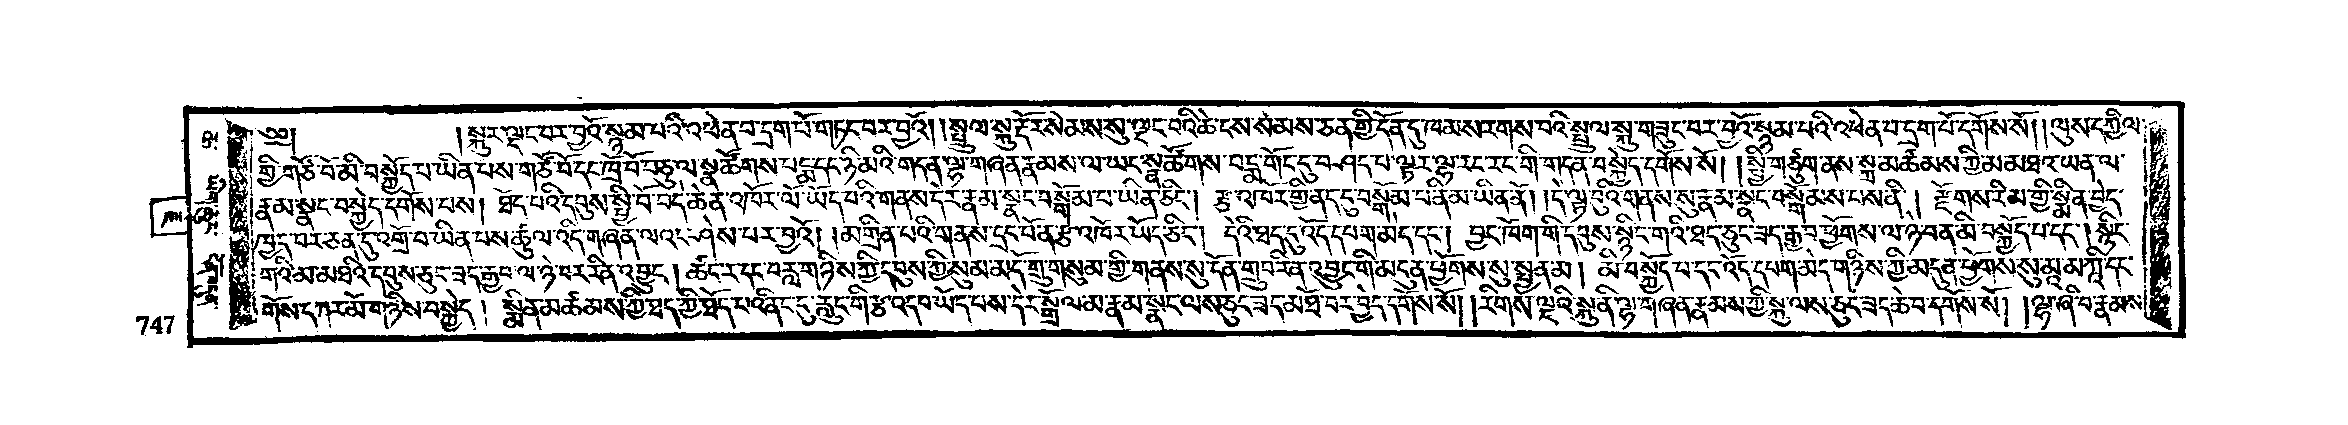༄༅། །སྐུར་ལྡང་བར་བྱའོ་སྙམ་པའི་འཕེན་པ་དྲག་པོ་གཏང་བར་བྱའོ། །སྤྲུལ་སྐུ་རྡོར་སེམས་སུ་ལྡང་བའི་ཚེ་ངས་སེམས་ཅན་གྱི་དོན་དུ་ཁམས་རགས་པའི་སྤྲུལ་སྐུ་གཟུང་བར་བྱའོ་སྙམ་པའི་འཕེན་པ་དྲག་པོ་དགོས་སོ། །ལུས་དཀྱིལ་
གྱི་གཙོ་བོ་མི་བསྐྱོད་པ་ཡིན་པས་གཙོ་བོ་དང་ཁྲོ་བོ་བཅུ་ལ་སྣ་ཚོགས་པདམ་དང་ཉི་མའི་གདན་ལྷ་གཞན་རྣམས་ལ་ཡང་སྣ་ཚོགས་པདམ་གོང་དུ་བཤད་པ་ལྟར་ལྷ་རང་རང་གི་གདན་བསྐྱེད་དགོས་སོ། །སྤྱི་གཙུག་ནས་སྐྲ་མཚམས་ཀྱི་མ་མཐའ་ཡན་ལ་
རྣམ་སྣང་བསྐྱེད་དགོས་པས། ཐོད་པའི་དབུས་སྤྱི་བོ་བདེ་ཆེན་འཁོར་ལོ་ཡོད་པའི་གནས་དེར་རྣམ་སྣང་བསྒོམ་པ་ཡིན་ཅིང་། རྩ་འཁོར་གྱི་ནང་དུ་བསྒོམ་པ་ནི་མ་ཡིན་ནོ། །དེ་ལྟ་བུའི་གནས་སུ་རྣམ་སྣང་བསྒོམས་པས་ནི། རྫོགས་རིམ་གྱི་སྨིན་བྱེད་
ཁྱད་པར་ཅན་དུ་འགྲོ་བ་ཡིན་པས་ཚུལ་འདི་གཞན་ལའང་ཤེས་པར་བྱའོ། །མགྲིན་པའི་གནས་དྲང་པོ་ན་རྩ་འཁོར་ཡོད་ཅིང་། དེའི་ཐད་དུ་འོད་དཔག་མེད་དང་། བྱང་ཁོག་གི་དབུས་སྙིང་གའི་ཐད་ཅུང་ཟད་རྒྱབ་ཕྱོགས་ལ་ཉེ་བ་ན་མི་བསྐྱོད་པ་དང་། སྙིང་
གའི་མ་མཐའི་དབུས་ཅུང་ཟད་རྒྱབ་ལ་ཉེ་བར་རིན་འབྱུང་། ཚང་ར་དང་བརླ་གཉིས་ཀྱི་དབུས་ཀྱི་སུམ་མདོ་གྲུ་གསུམ་གྱི་གནས་སུ་དོན་གྲུབ་རིན་འབྱུང་གི་མདུན་ཕྱོགས་སུ་སྤྱན་མ། མི་བསྐྱོད་པ་དང་འོད་དཔག་མེད་གཉིས་ཀྱི་མདུན་ཕྱོགས་སུ་མཱ་མ་ཀཱི་དང་
གོས་དཀར་མོ་གཉིས་བསྐྱེད། སྨིན་མཚམས་ཀྱི་ཐད་ཀྱི་ཐོད་པའི་ནང་དུ་རླུང་གི་རྩ་འདབ་ཡོད་པས་དེར་སྒྲོལ་མ་རྣམ་སྣང་ལས་ཅུང་ཟད་མཐོ་བར་བྱེད་དགོས་སོ། །རིགས་ལྔའི་སྐུ་ནི་ལྷ་གཞན་རྣམས་ཀྱི་སྐུ་ལས་ཅུང་ཟད་ཆེ་བ་དགོས་སོ། །ལྷ་ཞི་བ་རྣམས་